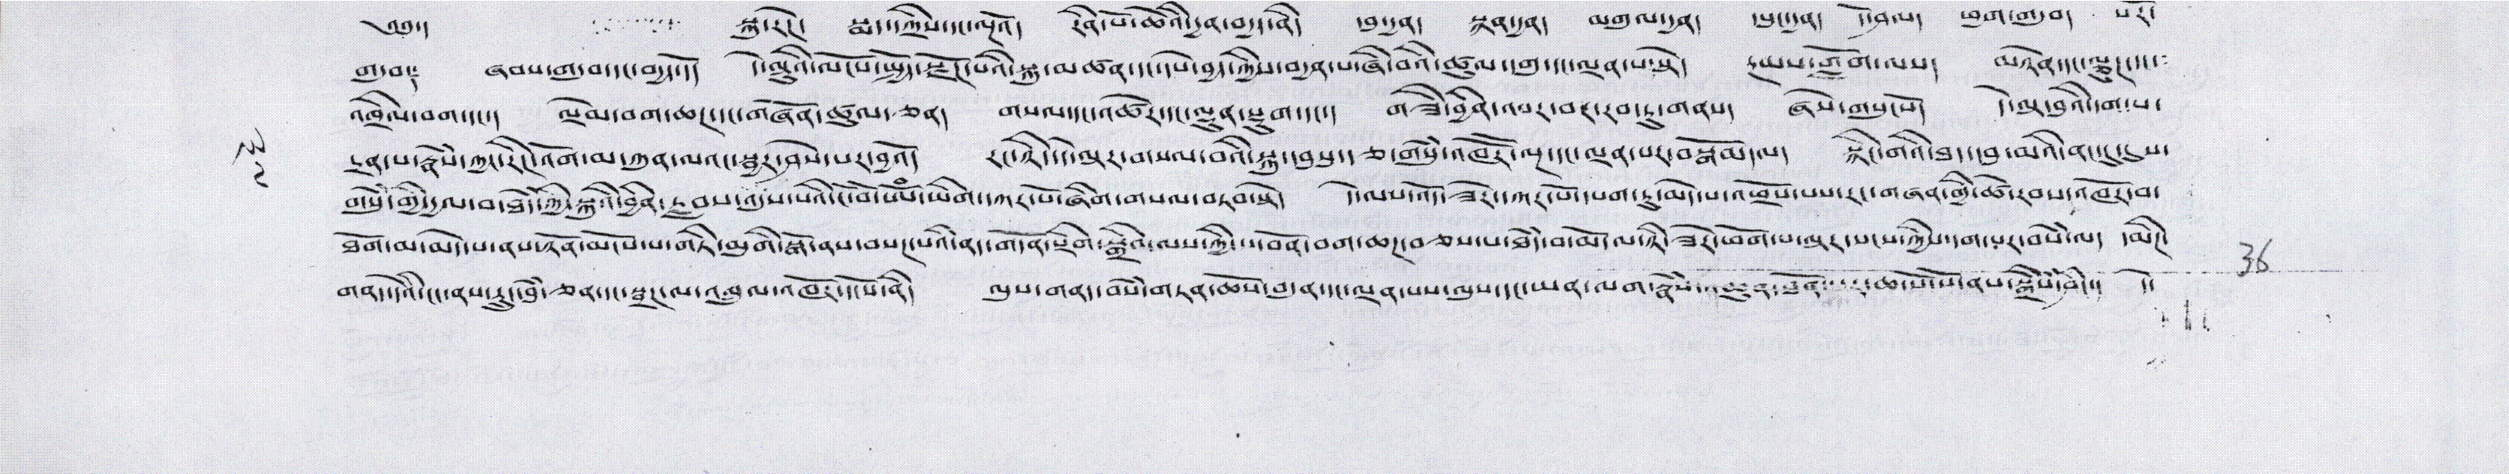སྐུ་རེག་སྨད་དཀྲིས་དང་ལྔའོ། རིན་པོ་ཆེའི་རྒྱན་བརྒྱད་ནི། དབུ་རྒྱན་སྙན་རྒྱན་འགུལ་རྒྱན་དཔུང་རྒྱན་དོ་ཤལ་ཕྱག་གདུག་སོར་
གདུབ་ཞབས་གདུབ་དང་བརྒྱད་དོ། དེ་ལྟ་བུའི་ལོངས་སྤྱོད་རྫོགས་པའི་སྐུ་མཚན་དང་དཔེ་བྱད་ཀྱིས་བརྒྱན་པ་ཞི་བའི་ཚུལ་དགུ་དང་ལྡན་པ་སྟེ། རྔམ་གློགས་ལས། མཉེན་དང་ལྕུགས་དང་
འཁྲིལ་བག་དང་། ལྡེམ་བག་ཆགས་དང་གཞོན་ཚུལ་ཅན། གསལ་དང་འཚེར་དང་ལྷུན་སྡུག་དང་། གཟི་བྱིན་འབར་བར་རབ་ཏུ་གནས། ཞེས་གསུངས་སོ། དེ་ལྟ་བུའི་དག་པ་
དྲན་པ་རྣམས་ཀྱང་རིགས་འོག་མ་ཀུན་ལའང་སྦྱར་ཤེས་པར་བྱའོ། རང་ཉིད་དེ་ལྟར་གསལ་བའི་སྐུ་དབུས་སུ་རྩ་གསུམ་འཁོར་ལོ་ལྔ་དང་ལྡན་པར་བསྒོམ་ལ། སྙིང་གའི་ཐད་དབུ་མའི་ནང་དུ་དུས་
གསུམ་རྒྱལ་བ་ཐམས་ཅད་ཀྱི་སྐུ་ཡི་བྱིན་རླབས་འདུས་པའི་ངོ་བོ་ཨོཾ་ཡིག་དཀར་པོ་ཞིག་གསལ་བཏབ་སྟེ་དེ་ལས་འོད་ཟེར་དཀར་པོ་དཔག་ཏུ་མེད་པ་འཕྲོས་པས་རང་གཞན་གྱི་ཚེ་རབས་འཁོར་བ་
ཐོག་མ་མེད་པ་ནས་ཉོན་མོངས་པ་གཏི་མུག་གི་སྒོ་ནས་བསགས་པའི་ནད་གདོན་སྡིག་སྒྲིབ་ལས་ཀྱི་ས་བོན་བག་ཆགས་དང་བཅས་པ་ཐམས་ཅད་བ་མོ་ལ་ཉི་ཟེར་ཕོག་པ་ལྟར་སངས་ཀྱིས་དག་པར་བསམ་ལ། དམིགས་
གནད་དེའི་ངང་ནས་རླུང་བུམ་པ་ཅན་དང་སྦྲགས་ལ་འཁྲུལ་འཁོར་དངོས་ནི། ལུས་གནད་བསམ་གཏན་ཆོས་བདུན་དང་ལྡན་པས་ལུས་དང་ཡན་ལག་རྣམས་འཆུན་ཐོན་པར་ཆ་སོ་སོ་ནས་བསྒྲིམས་ཤིང་། དེ་